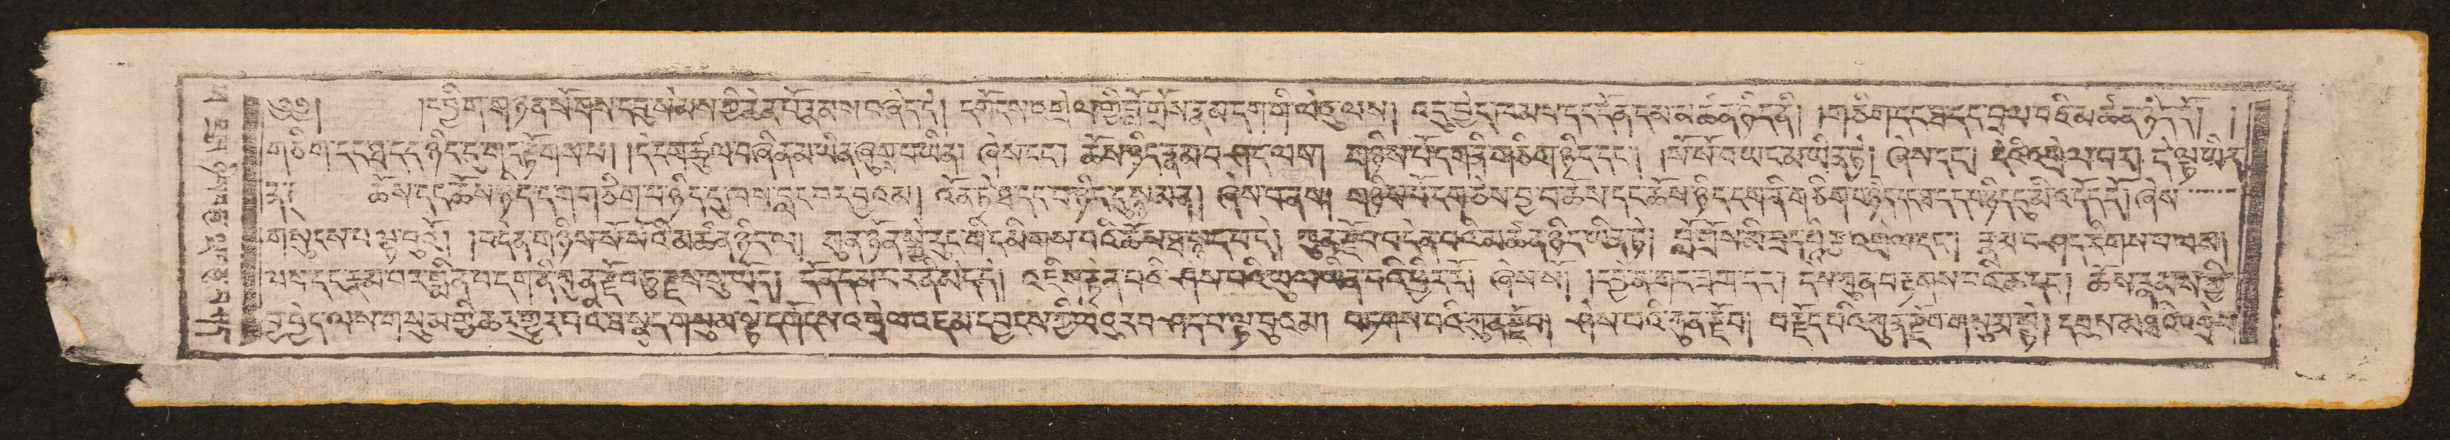༄༅། །དབྱིག་གཉན་སོགས་དབུ་སེམས་ཀྱི་ཆེན་པོ་རྣམས་བཞེད་དེ། དགོངས་འགྲེལ་གྱི་བློ་གྲོས་རྣམ་དག་གི་ལེའུ་ལས། འདུ་བྱེད་ཁམས་དང་དོན་དམ་མཚན་ཉིད་ནི། །གཅིག་དང་ཐ་དང་བྲལ་བའི་མཆེན་ཉིད་དོ། །
གཅིག་དང་ཐ་དད་ཉིད་དུ་གང་རྟོགས་པ། །དེ་དག་ཚུལ་བཞིན་མ་ཡིན་ཞུགས་པ་ཡིན། ཞེས་དང་། ཆོས་ཉིད་རྣམ་བཤད་ལས། གཉིས་པོ་དག་ནི་གཅིག་ཉིད་དང་། །སོ་སོ་བ་ཡང་མ་ཡིན་ཏེ། ཞེས་དང་། དེའི་འགྲེལ་པར། དེ་ལྟ་ཡིར་
ན༑ ཆོས་དང་ཆོས་ཉིད་དག་གཅིག་པ་ཉིད་དུ་ཁས་བླང་བར་བྱའམ། འོན་ཏེ་ཐ་དད་བ་ཉིད་དུ་སྙམ་ན། ཞེས་པ་ནས། གཉིས་པོ་ང་གཅེས་བྱ་བ་ཆོས་དང་ཆོས་ཉིད་ངག་ནི་གཅིག་པ་ཉིད་དང་ཐ་དད་བ་ཉིད་དུ་མི་འདོད་དོ། ཞེས་
གསུངས་པ་ལྟ་བུའོ། །བདེན་གཉིས་སོ་སོའི་མཚན་ཉིད་ལ། ཀུན་ཉོན་སྐྱེ་རུང་གི་དམིགས་པའི་ཆོས་ཐ་སྙད་པ་དེ། ཀུན་རྫོབ་བདེན་པའི་མཚན་ཉིད་ཡིན་ཏེ། བློ་གྲོས་མི་ཟད་བརྩ་འགྲེལ་དང་། རྣམ་བཤད་རིགས་པ་ལས་
ལས་དང་རྣམ་པར་སྨིན་པ་དག་ནི་ཀུན་རྫོབ་ཏུ་རྫས་སུ་ཡོད། དོན་དམ་པར་ནི་མེད་དེ། འཇིག་རྟེན་བའི་ཤེས་པའི་ཡུལ་ཡིན་པའི་ཕྱིར་རོ། ཞེས་སོ། །དབྱེ་ན་གང་ཟག་དང་། དེས་ཀུན་བརྟགས་པའི་ཆ་དང་། ཆོས་རྣམས་ཀྱི་
བྱ་བྱེད་ལས་གསུམ་གྱི་ཆར་གྱུར་པའི་ཐ་སྙད་གསུམ་སྟེ་དགོངས་འགྲེལ་འཇམ་དབྱངས་ཀྱི་ལེ་འུར་བཤད་པ་ལྟ་བུའམ། བཏགས་པའི་ཀུན་རྫོབ། ཤེས་པའི་ཀུན་རྫོབ། བརྗོད་པའི་ཀུན་རྫོབ་གསུམ་སྟེ། དབུས་མཐའི་འགྲེལ་